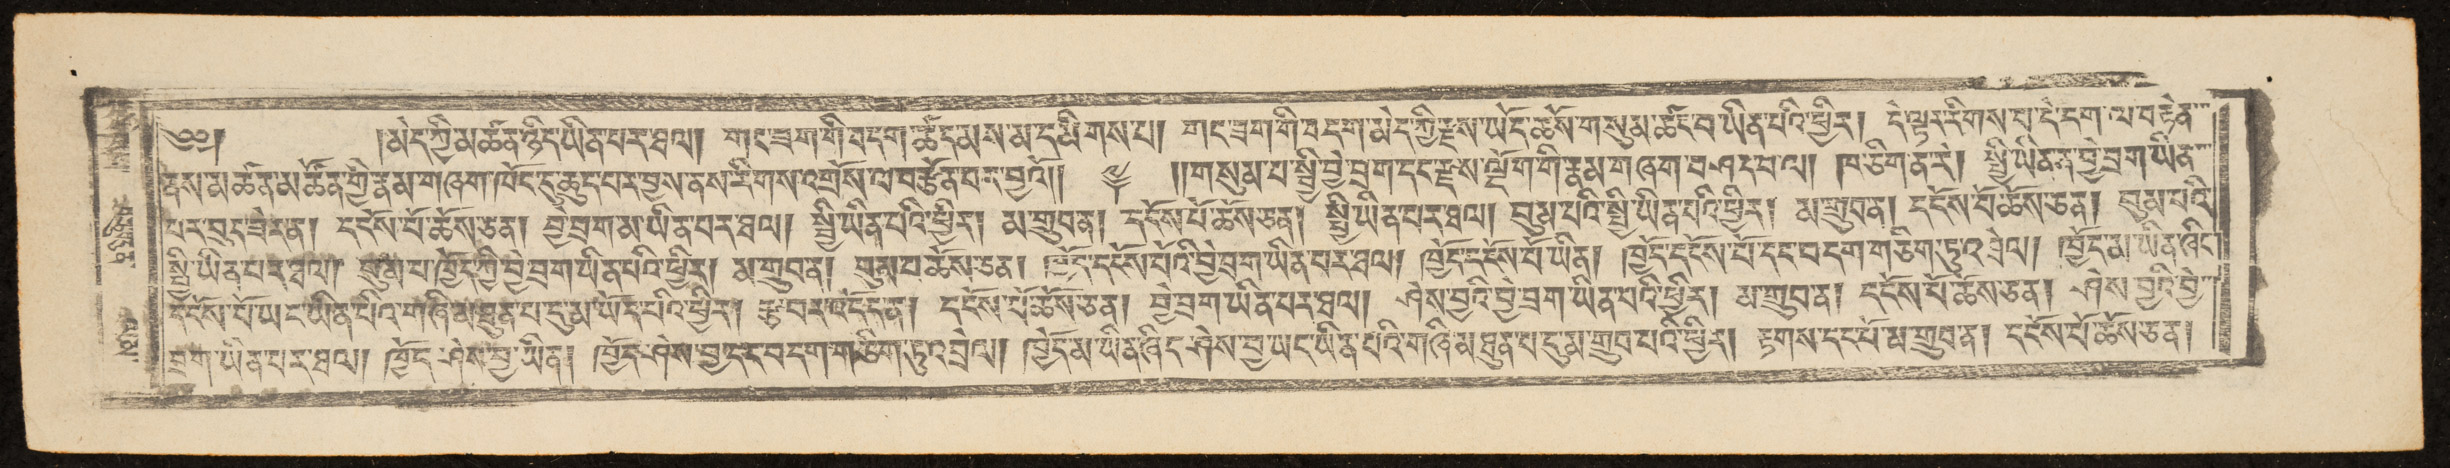༄༅། །མེད་ཀྱི་མཚན་ཉིད་ཡིན་པར་ཐལ། གང་ཟག་གི་བདག་ཚད་མས་མ་དམིགས་པ། གང་ཟག་གི་བདག་མེད་ཀྱི་རྫས་ཡོད་ཆོས་གསུམ་ཚང་བ་ཡིན་པའི་ཕྱིར། དེ་ལྟར་རིགས་པ་དེ་དག་ལ་བརྟེན་
ནས་མཚན་མཚོན་གྱི་རྣམ་གཞག་ཁོང་དུ་ཆུད་པར་བྱས་ནས་རིགས་འགྲོས་ལ་བརྩོན་པར་བྱའོ།། ~་།།གསུམ་པ་སྤྱི་བྱེ་བྲག་དང་རྫས་ལྡོག་གི་རྣམ་གཞག་བཤད་པ་ལ། ཁ་ཅིག་ན་རེ། སྤྱི་ཡིན་ན་བྱེ་བྲག་ཡིན་
པར་བུད་ཟེར་ན། དངོས་པོ་ཆོས་ཅན། བྱེ་བྲག་མ་ཡིན་པར་ཐལ། སྤྱི་ཡིན་པའི་ཕྱིར། མ་གྲུབ་ན། དངོས་པོ་ཆོས་ཅན། སྤྱི་ཡིན་པར་ཐལ། བུམ་པའི་སྤྱི་ཡིན་པའི་ཕྱིར། མ་གྲུབ་ན། དངོས་པོ་ཆོས་ཅན། བུམ་པའི་
སྤྱི་ཡིན་པར་ཐལ། བུམ་པ་ཁྱོད་ཀྱི་བྱེ་བྲག་ཡིན་པའི་ཕྱིར། མ་གྲུབ་ན། བུམ་པ་ཆོས་ཅན། ཁྱོད་དངོས་པོའི་བྱེ་བྲག་ཡིན་པར་ཐལ། ཁྱོད་དངོས་པོ་ཡིན། ཁྱོད་དངོས་པོ་དང་བདག་གཅིག་ཏུ་འབྲེལ། ཁྱོད་མ་ཡིན་ཞིང་
དངོས་པོ་ཡང་ཡིན་པའི་གཞི་མཐུན་པ་དུ་མ་ཡོད་པའི་ཕྱིར། རྩ་བར་འདོད་ན། དངོས་པོ་ཆོས་ཅན། བྱེ་བྲག་ཡིན་པར་ཐལ། ཤེས་བྱའི་བྱེ་བྲག་ཡིན་པའི་ཕྱིར། མ་གྲུབ་ན། དངོས་པོ་ཆོས་ཅན། ཤེས་བྱའི་བྱེ་
བྲག་ཡིན་པར་ཐལ། ཁྱོད་ཤེས་བྱ་ཡིན། ཁྱོད་ཤེས་བྱ་དང་བདག་གཅིག་ཏུ་འབྲེལ། ཁྱོད་མ་ཡིན་ཞིང་ཤེས་བྱ་ཡང་ཡིན་པའི་གཞི་མཐུན་པ་དུ་མ་གྲུབ་པའི་ཕྱིར། རྟགས་དང་པོ་མ་གྲུབ་ན། དངོས་པོ་ཆོས་ཅན།